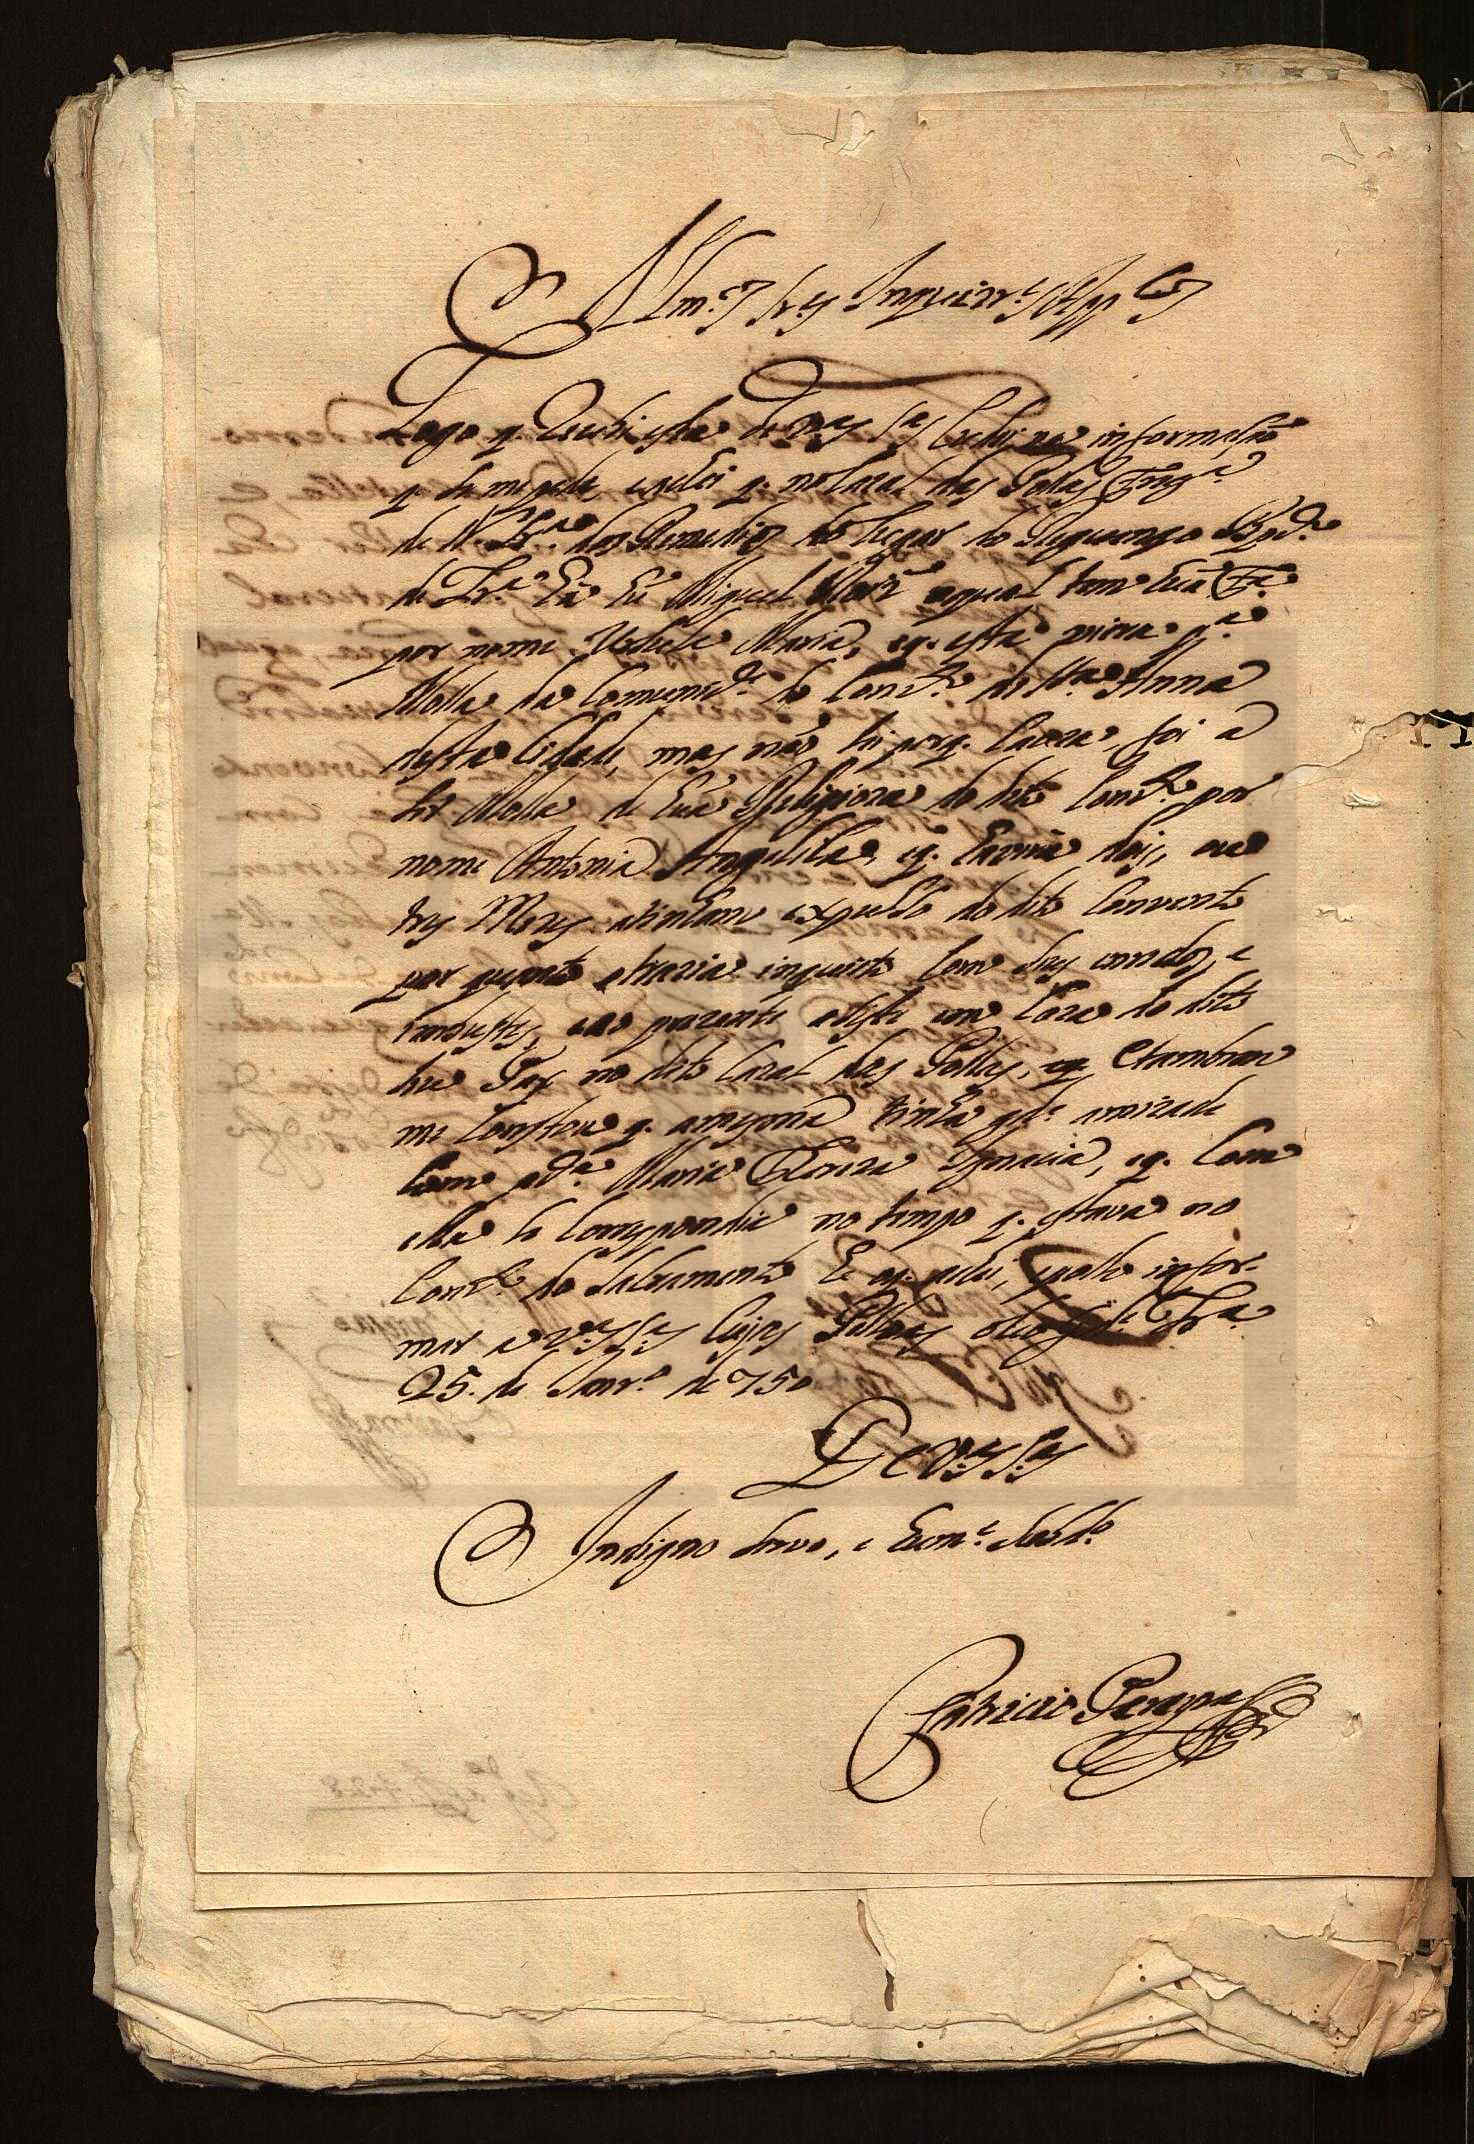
Illm.os sr.es Inquizr.es Appcos
Logo q. Recebi esta de V.as Sas Cudei na informaçaõ
q. se me pede, e achei q. no Cazal das Palas Freg.a
de N. Sr.a dos Remedios do Lugar do Reguengo Bpd.o
de Lx.a há hū Miguel Roiz̄ o qual tem huā F.a
por nome Ursula Maria, e q. esta viera p.a
Mossa da Comunid.e do Conv.to de S.ta Anna
desta Cidade, mas naõ hi porq. Cauza, foi a
ser Mossa de huā Religioza do dito Conv.to por
nome Antonia AngeliCa, e q. havia dois, ou
tres mezes a tinham expulso do dito Convento
porquanto o trazia inquieto Com seus enredos, e
insultos, e ao prezente asiste em Caza do dito
seu Pay no dito Cazal das Pollas, q e tambem
me Constou q. a mesma tinha gd.e amizade
Com a d.a Maria Thereza Ignacia, e q. Com
ella se Correspondia no tempo q. estava no
Conv.to do SaCramento he as achei, e posso infor
mar a v.as s.as Cujas Pessoas o Ceo Gd.e Lxa.
25. de Ianr.o de 750
De V.as S.as
Jndigno Servo, e hum.e Subd.o
Patricio Pereyra
